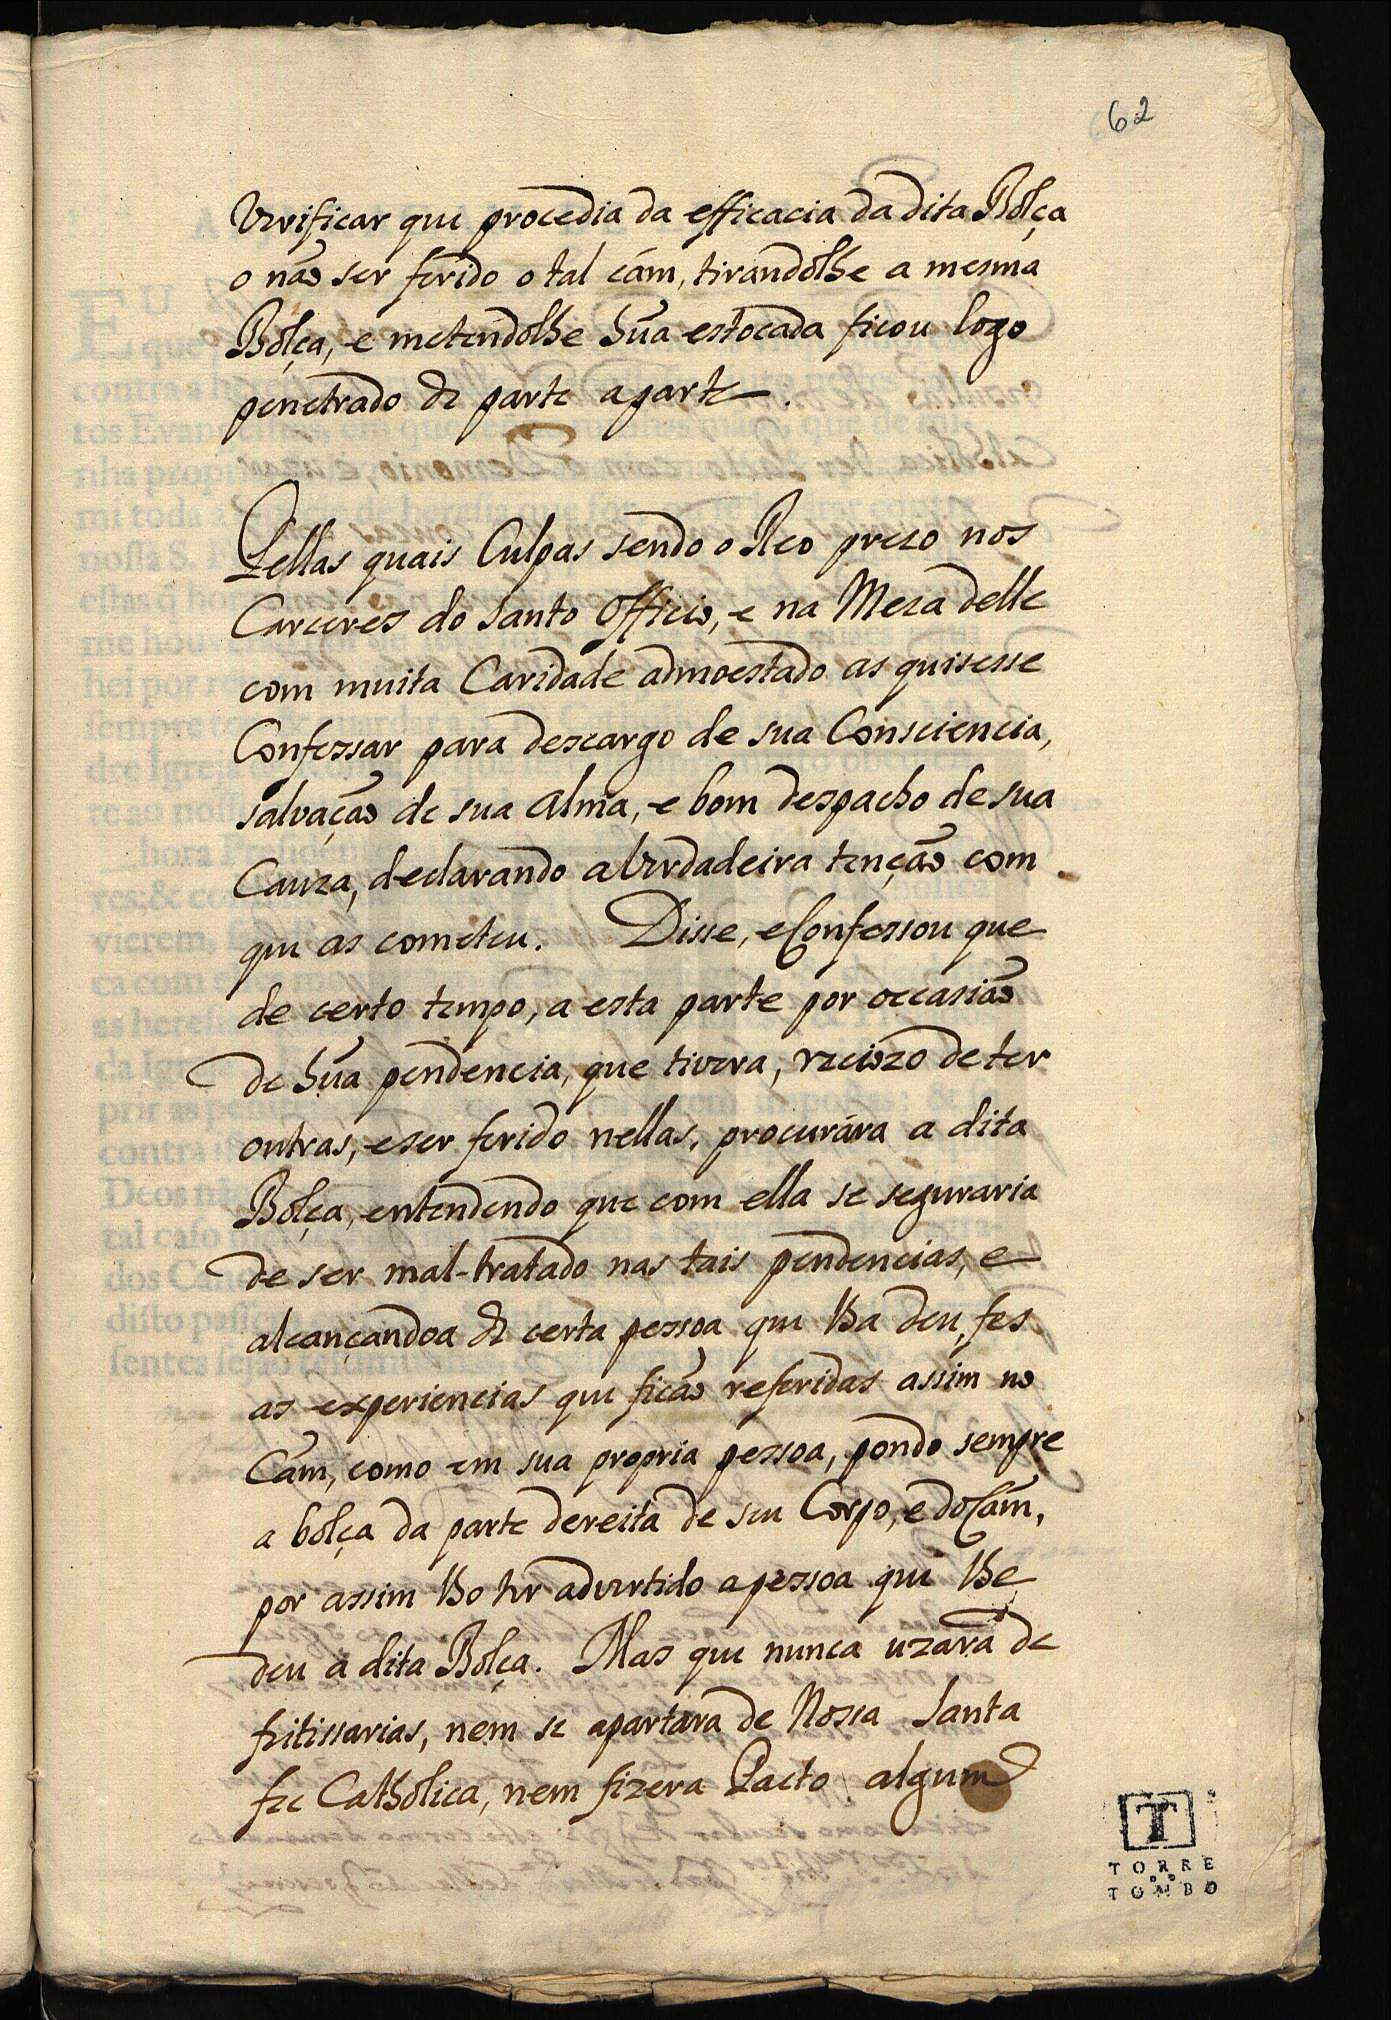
Verificar que procedia da efficacia da dita Bolça
o não ser ferido o tal cám, tirandolhe a mesma
Bolça, e metendolhe hūa estocada ficou logo
penetrado de parte a parte.
Pellas quais Culpas sendo o Reo preso nos
Carceres do Santo Officio, e na Mesa delle
com muita Caridade admoestado as quisesse
Confessar para descargo de sua Consciencia,
salvação de sua Alma, e bom despacho de sua
Cauza, declarando a Verdadeira tenção com
que as cometeu. Disse, e Confessou que
de certo tempo, a esta parte por occasião
de hūa pendencia, que tivera, reciozo de ter
outras, e ser ferido nellas, procurára a dita
Bolça, entendendo que com ella se seguraria
de ser mal-tratado nas tais pendencias, e
alcançandoa de certa pessoa que lha deu, fes
as experiencias que ficão referidas assim no
cám, como em sua propria pessoa, pondo sempre
a bolça da parte dereita de seu Corpo, e do Cám,
por assim lho ter advertido a pessoa que lhe
deu a dita Bolça. Mas que nunca uzara de
feitissarias, nem se apartara de Nossa Santa
fee Catholica, nem fizera Pacto algum
